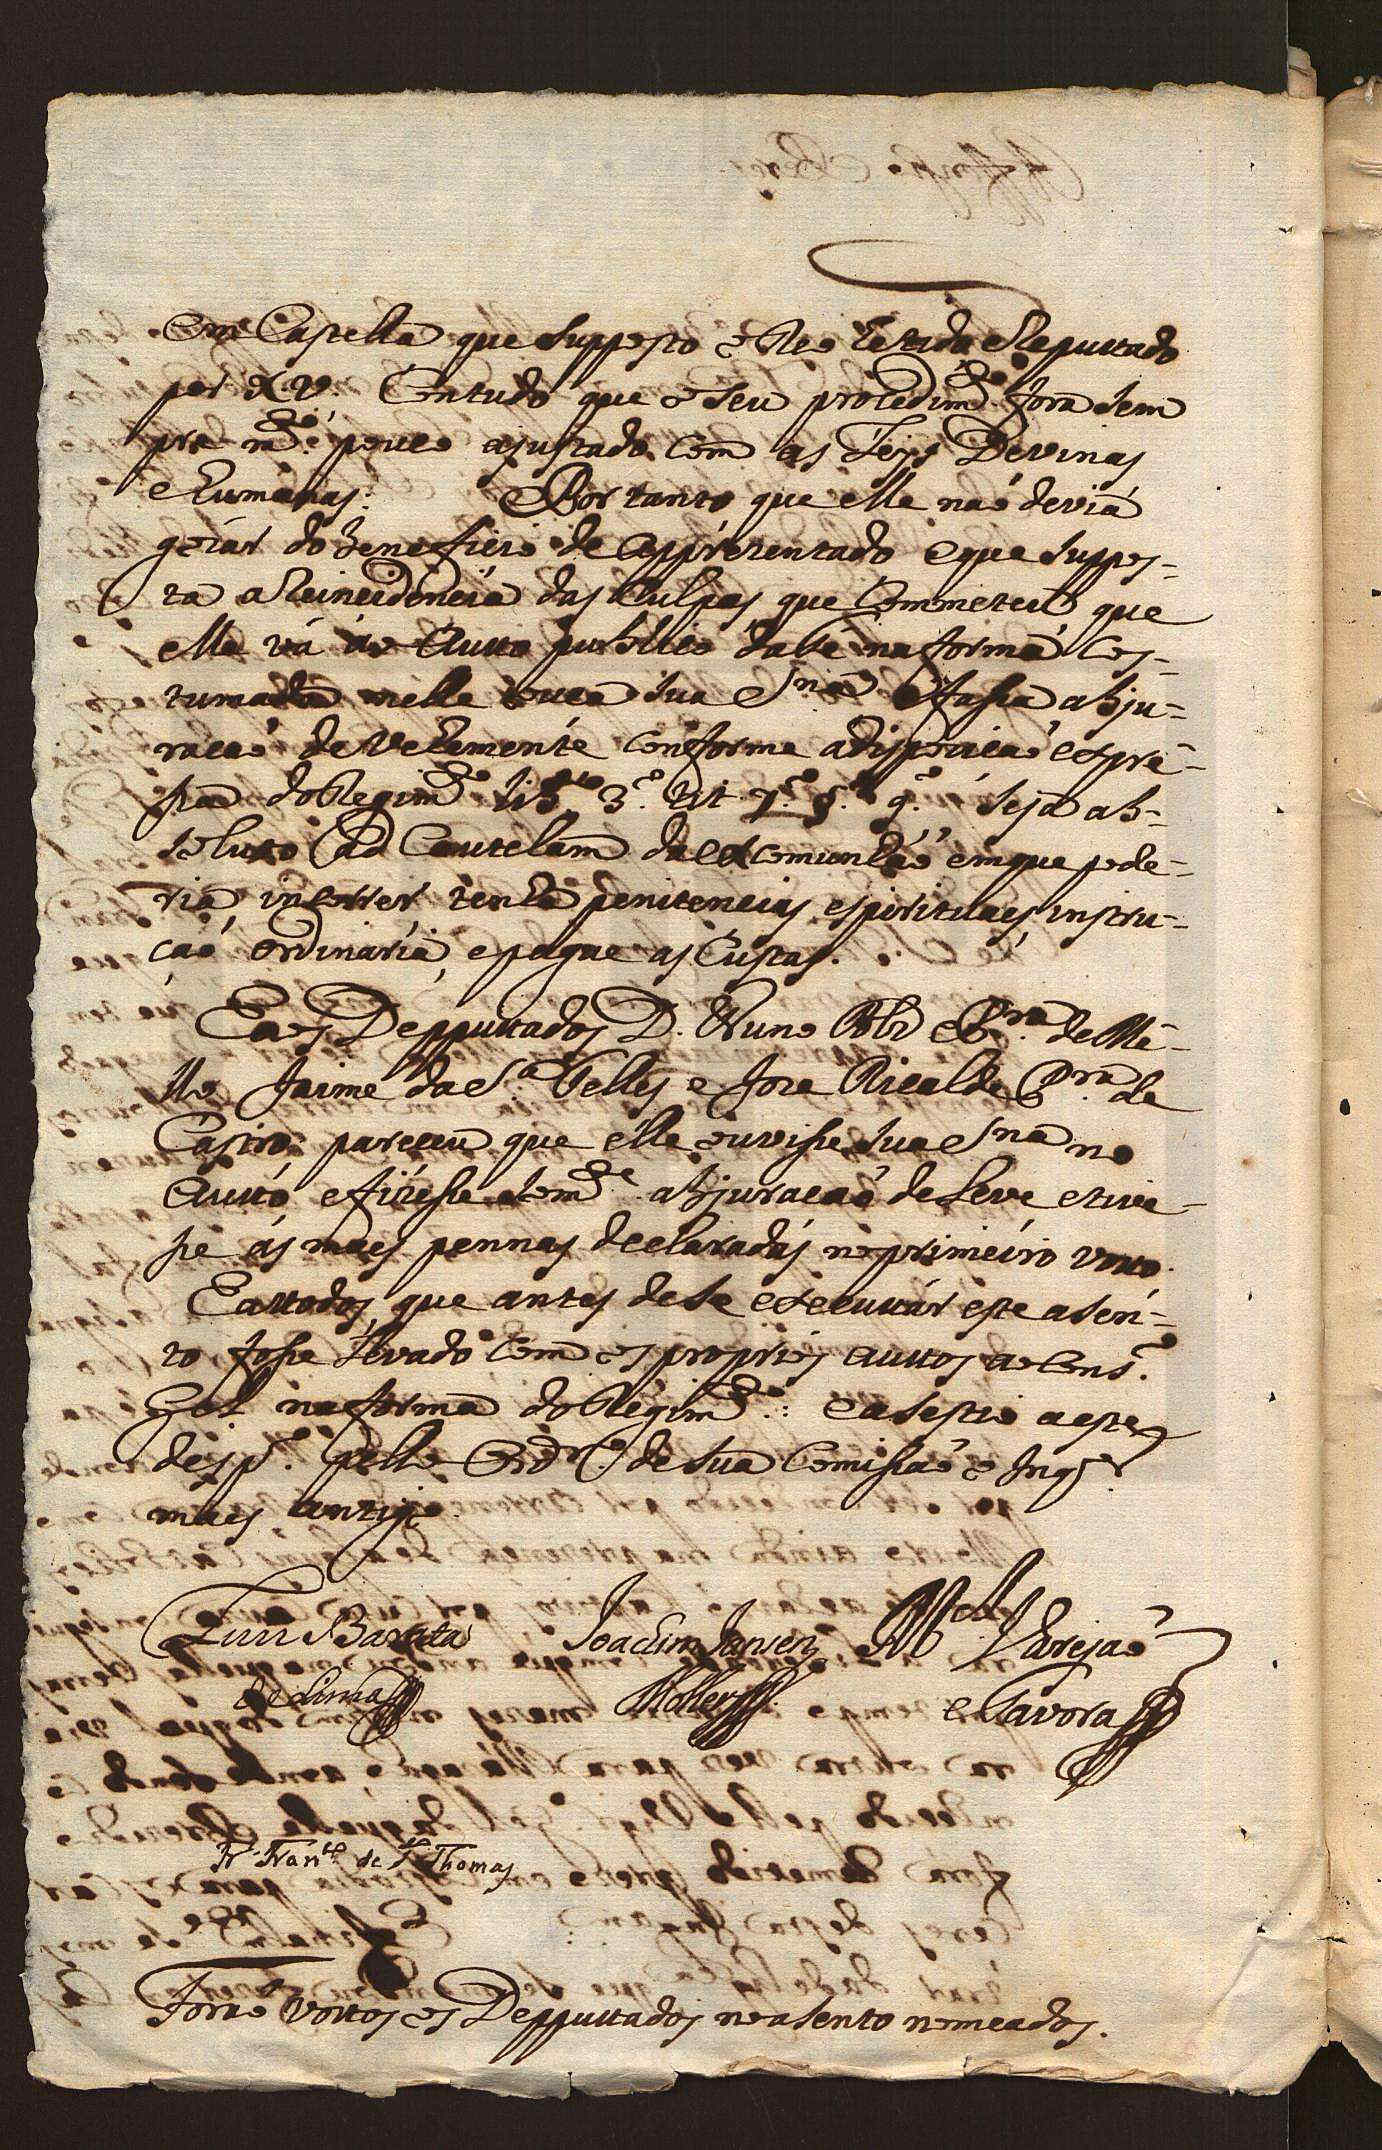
em Castella que Supposto o Reo he tido e Reputtado
por XV. Contudo que o seu procedim.to fora sem
pre m.to e pouco ajustado com as Leys Devinas,
e humanas: Portanto, que elle naõ devia
gozar do beneficio de Apprezentado e que suppos
ta a Reincidencia das culpas que Commeteu, que
elle va ao Autto publico da Fé na forma Cos
tumada nelle ouça sua Sna e fassa abju
raçaõ de Vehemente conforme a dispozição expre
sa do Regim.to libo 3.o tit 7.o §. 9.o seja ab
soluto ad Cautelam da excomunhaõ em que pode
ria incorrer, tenha penitencias espirituaes, instru
çaõ ordinaria, e pague as Custas.
E aos Depputtados D. Nuno Alz̄ P.ra de Me
llo, Jaime da S.a Telles, e Joze Ricalde P.ra de
Castro, pareceu que elle ouvisse sua S.na no
Autto, e fizesse somte abjuraçaõ de Leve, e tive
sse as mais pennas declaradas no primeiro votto
E a ttodos, que antes de se executar este asen
to fosse Levado com os proprios auttos ao Cons.o
Gal na forma do Regim.to: e asestio a este
desp.o pello Ord.o de Sua Comissaõ o Inq.or
mais antigo
Luiz Barata
de Lima
Ioachim Iansen
Moller
M.el Varejaõ
e Tavora
Fr Franco de Sto Thomas
Foraõ vottos os Depputtados no asento nomeados.
